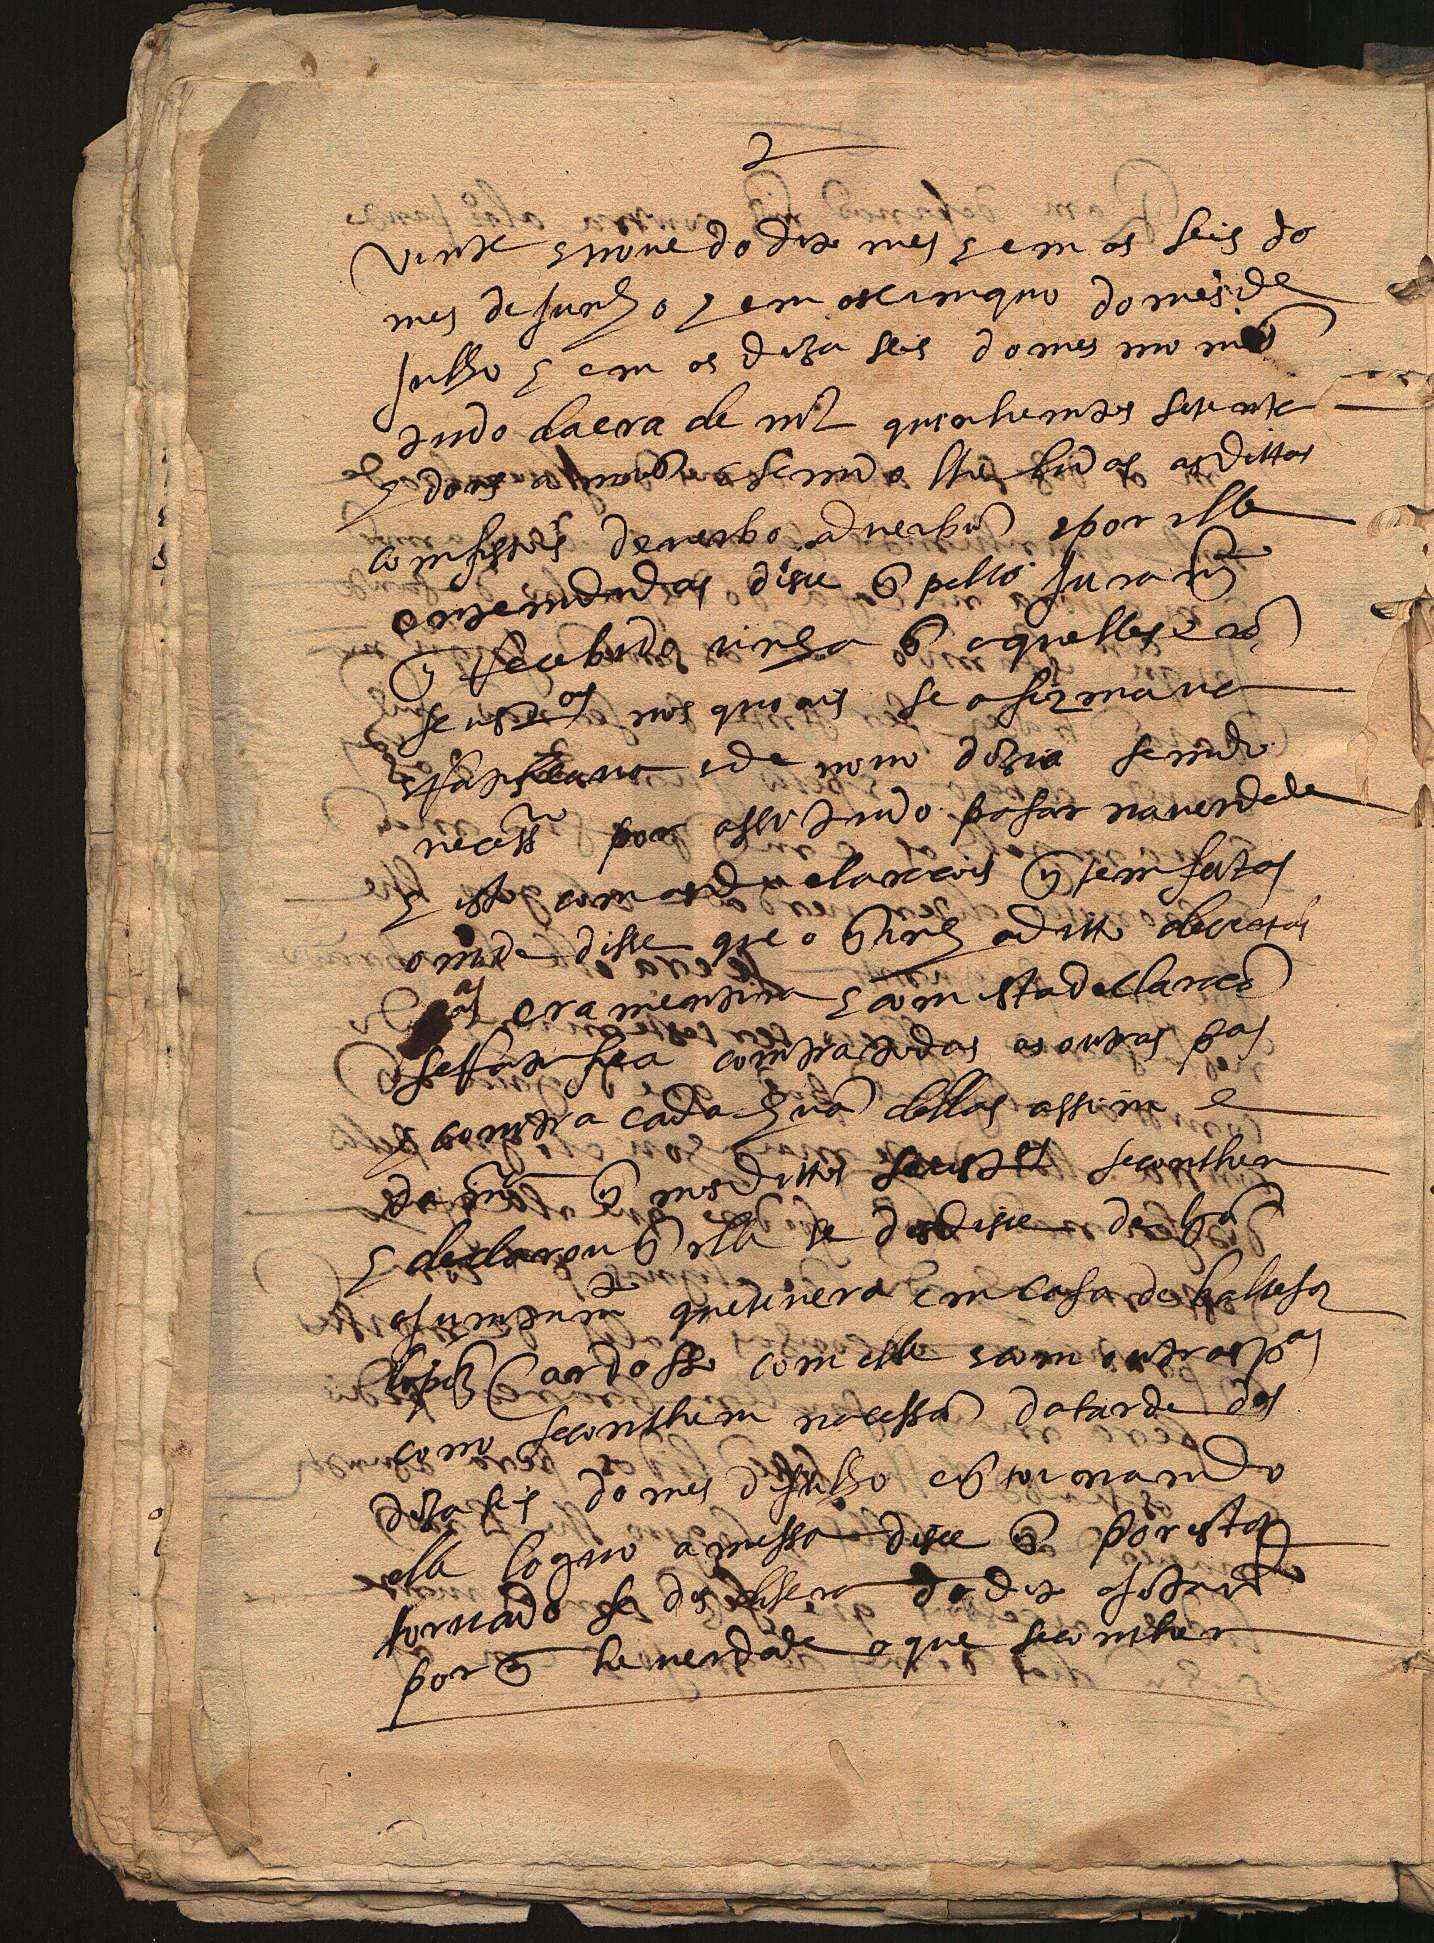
vinte E noue do dito mes E em os seis do
mes de Junho E em os cimquo do mes de
Julho E em os dezaseis do mesmo mes
tudo da era de miL quinhemtos setenta
E dous annos e semdo lhe lidas as dittas
comfissoĩs de uerbo ad uerbū e por elle
entemdidas disse q̄ pello Juramto
q̄ Recebido tinha q̄ aquelles erō
seus tos nos quoais se afirmaua
E Ratificaua e de nouo dizia semdo
necessrio por assi tudo pasar na uerdade
E isto com as declaracois q̄ tem feitas
omde disse que o q̄ tinha ditto de certas
pas era mentira E com esta declaracō
se Ratifica comtra todas as outras p̄as
E comtra cada huā dellas assim e
da mra q̄ nos dittos seus tos se conthen
E declarou q̄ elle se desdisse de hū
aJumtamto que tiuera em casa de baltesar
lopez̄ Cardosso com elle E com outras pas
como se conthem na cessaõ da tarde dos
dezaseis do mes de Julho e q̄ tornando
elle loguo a missa disse q̄ por estar
toruado se desdisera do dito aJūtamto
porq̄ he uerdade o que se conthem
